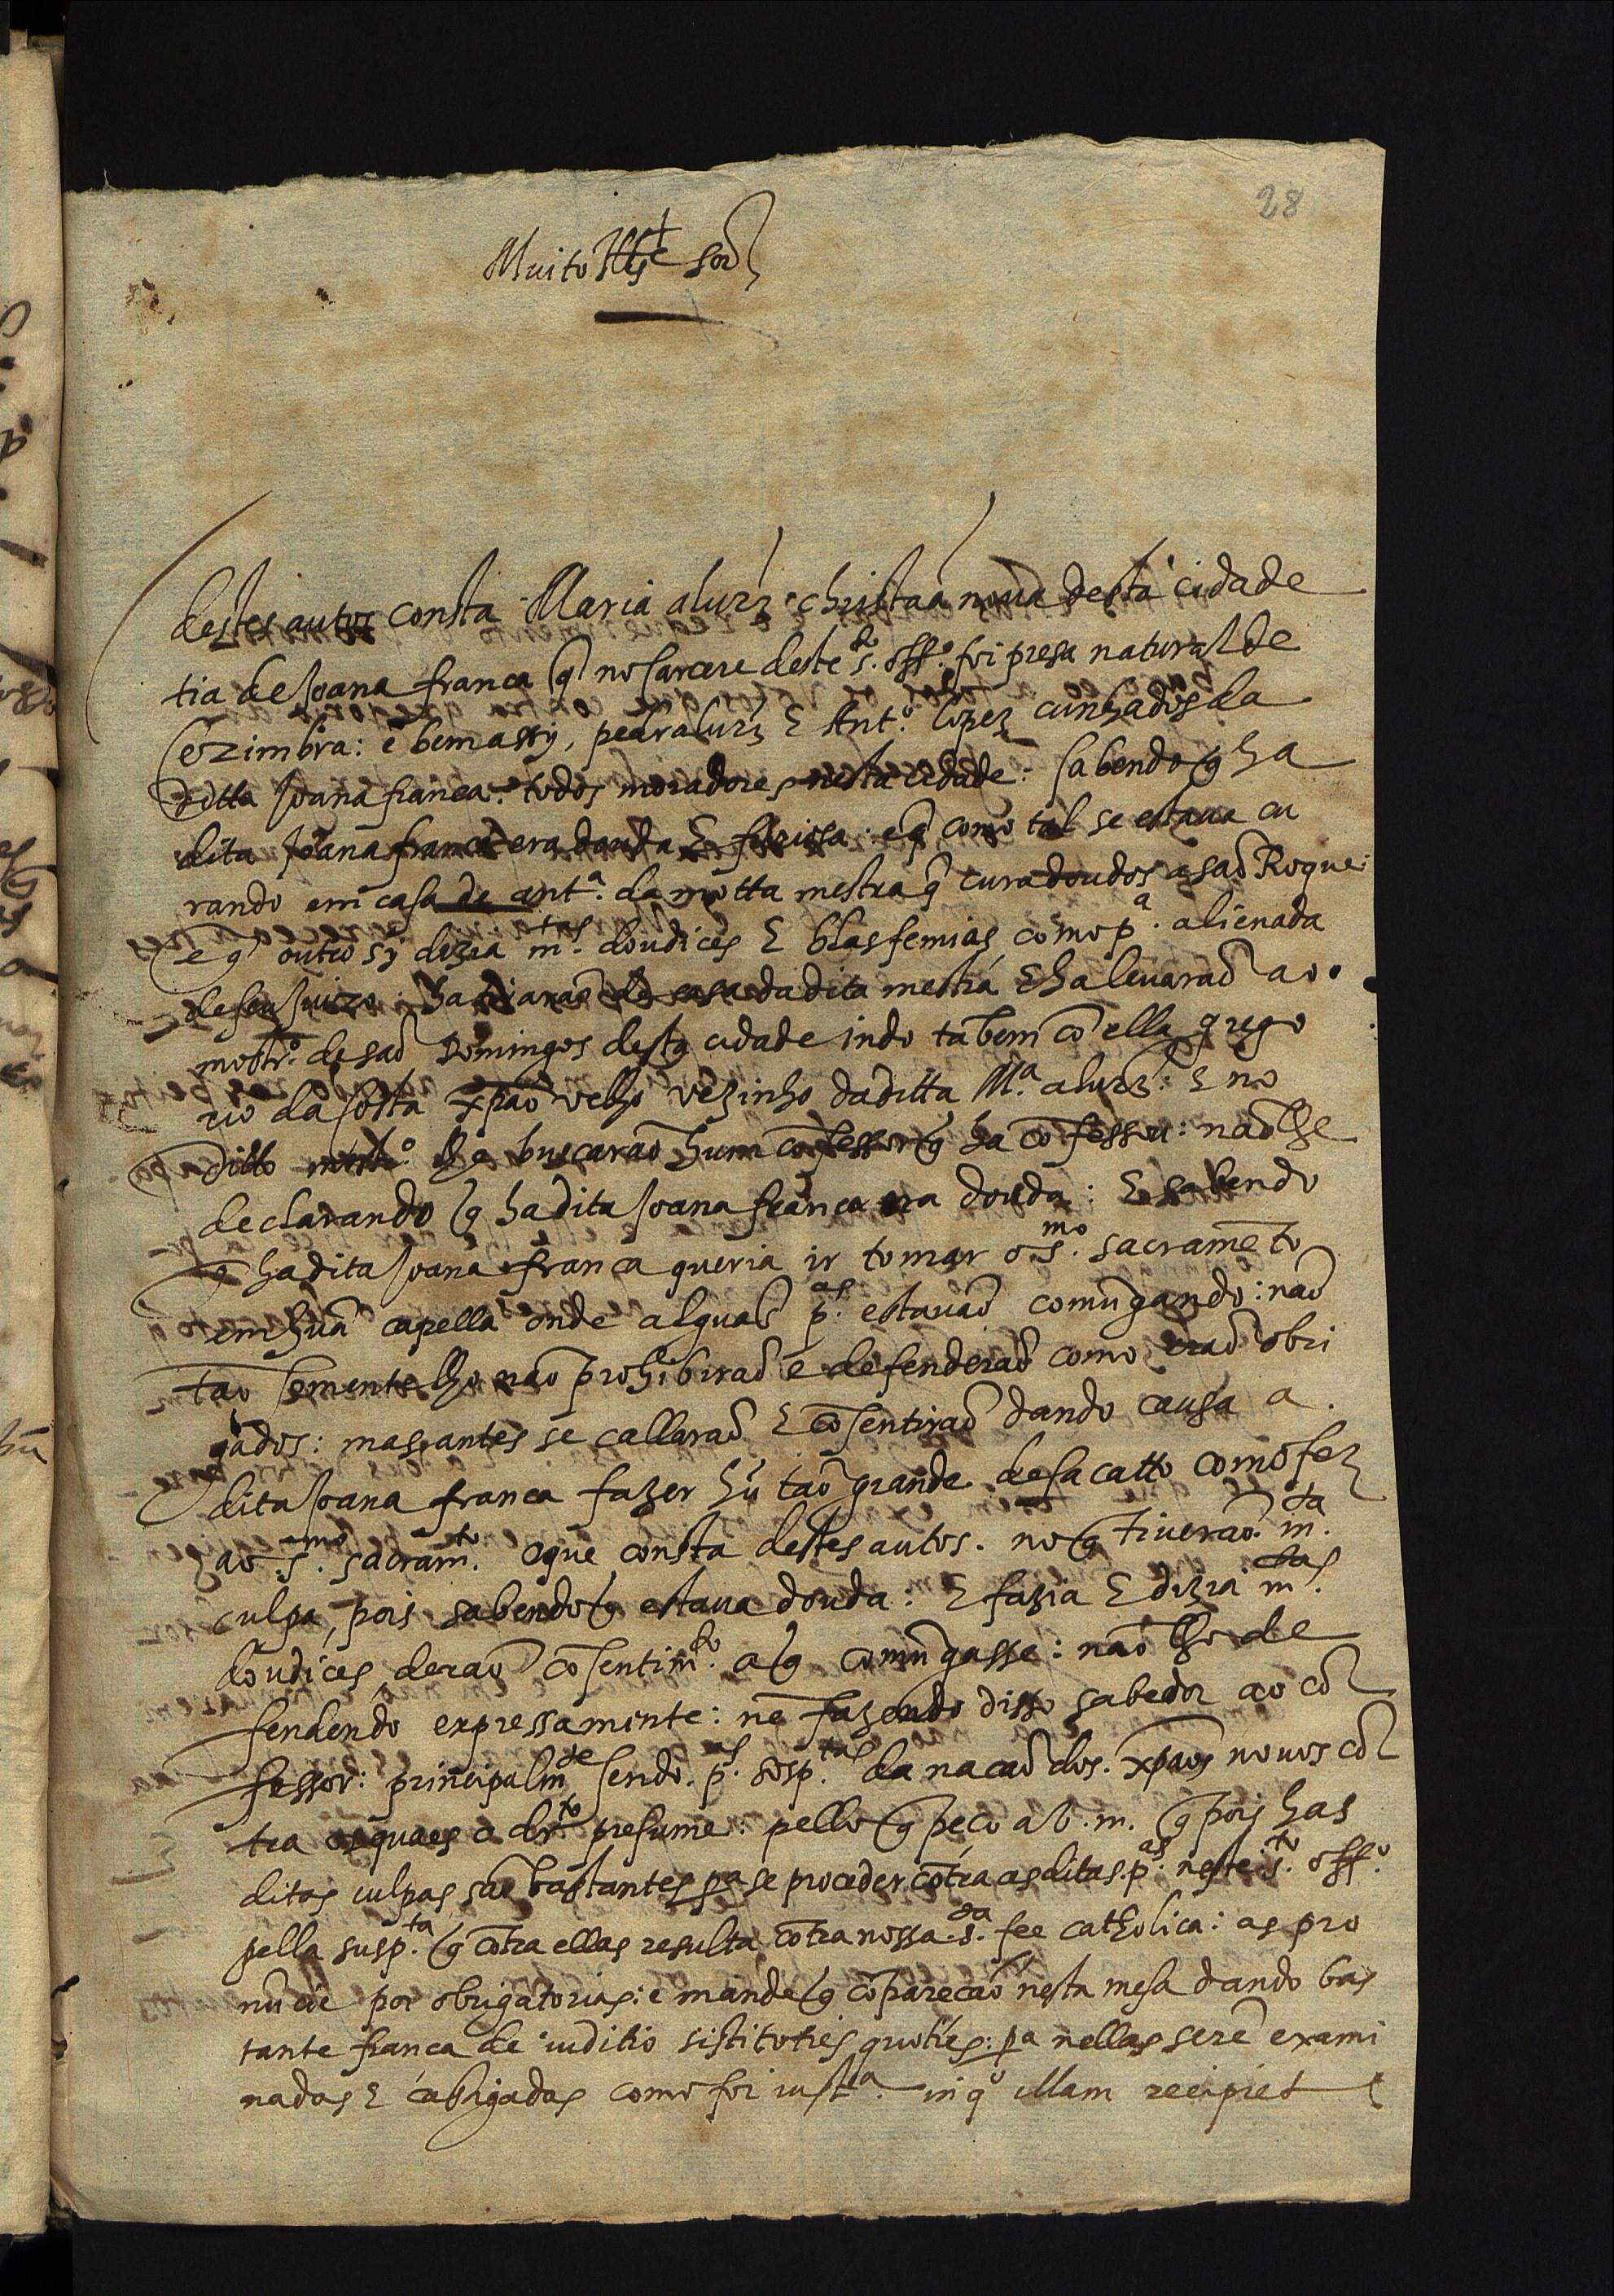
Muito Ill̄se sor̄
destes autos consta Maria alurz̄ christaā noua desta cidade
tia de Joana franca q̄ no Carcere deste sto. off.o foi presa natural de
Cezimbra: e bem assy, pedralurz̄ E Ant.o lopez cunhados da
ditta Joanna franca. todos moradores nesta cidade. sabendo q̄ ha
dita Joana franca era douda E furiosa: e q̄ como tal se estaua cu
rando em casa de anta. da motta mestra q̄ cura doudos a saõ Roque
e q̄ outrosy dizia mtas. doudices E blasfemias, como pa. alienada
de seu Juizo ha tiraraõ de casa da dita mestra E ha leuaraõ ao
mostr.o de saõ Domingos desta cidade indo tābem cō ella grego
rio da Costa xpão velho vezinho da ditta M.a alurz̄: E no
ditto mostro. lhe buscaraõ hum cōfessor q̄ ha cōfessou: naõ lhe
declarando q̄ ha dita Joana franca era douda: E sabendo
q̄ ha dita Joana franca queria ir tomar o smo. sacramēto
em huā capella onde alguas̄ pas. estauaõ comūgando: naõ
tão somente lho naõ prohibiraõ e defenderaõ como eraõ obri
gados: mas antes se callaraõ E cōsentiraõ dando causa a
dita Joana franca fazer hū taõ grande desacatto como fez
ao smo. sacram.to o que consta destes autos. no q̄ tiuerão mta.
culpa, pois sabendo q̄ estaua douda: E fazia E dizia mtas.
doudices, deraõ cōsentimto. a q̄ comūgasse: não lho de
fendendo expressamente: nē fazendo disso sabedor ao cō
fessor: principalmte sendo. pas. sosp.tas da nacaõ dos xpãos nouos cō
tra os quaes o dr.to presume: pello q̄ peço a v. m. q̄ pois has
ditas culpas saõ bastantes ꝑa se proceder cōtra as ditas pas. neste s.to off.o
pella susp.ta q̄ cōtra ellas resulta cōtra nossa .s.ta fee catholica: as pro
nūcie por obrigatorias: e mande q̄ cōpareçaõ nesta mesa dando bas
tante fiança de iuditio sisti toties quoties: ꝑa nellas serē exami
nadas E castigadas como for iusta. in qo illam recipiet
